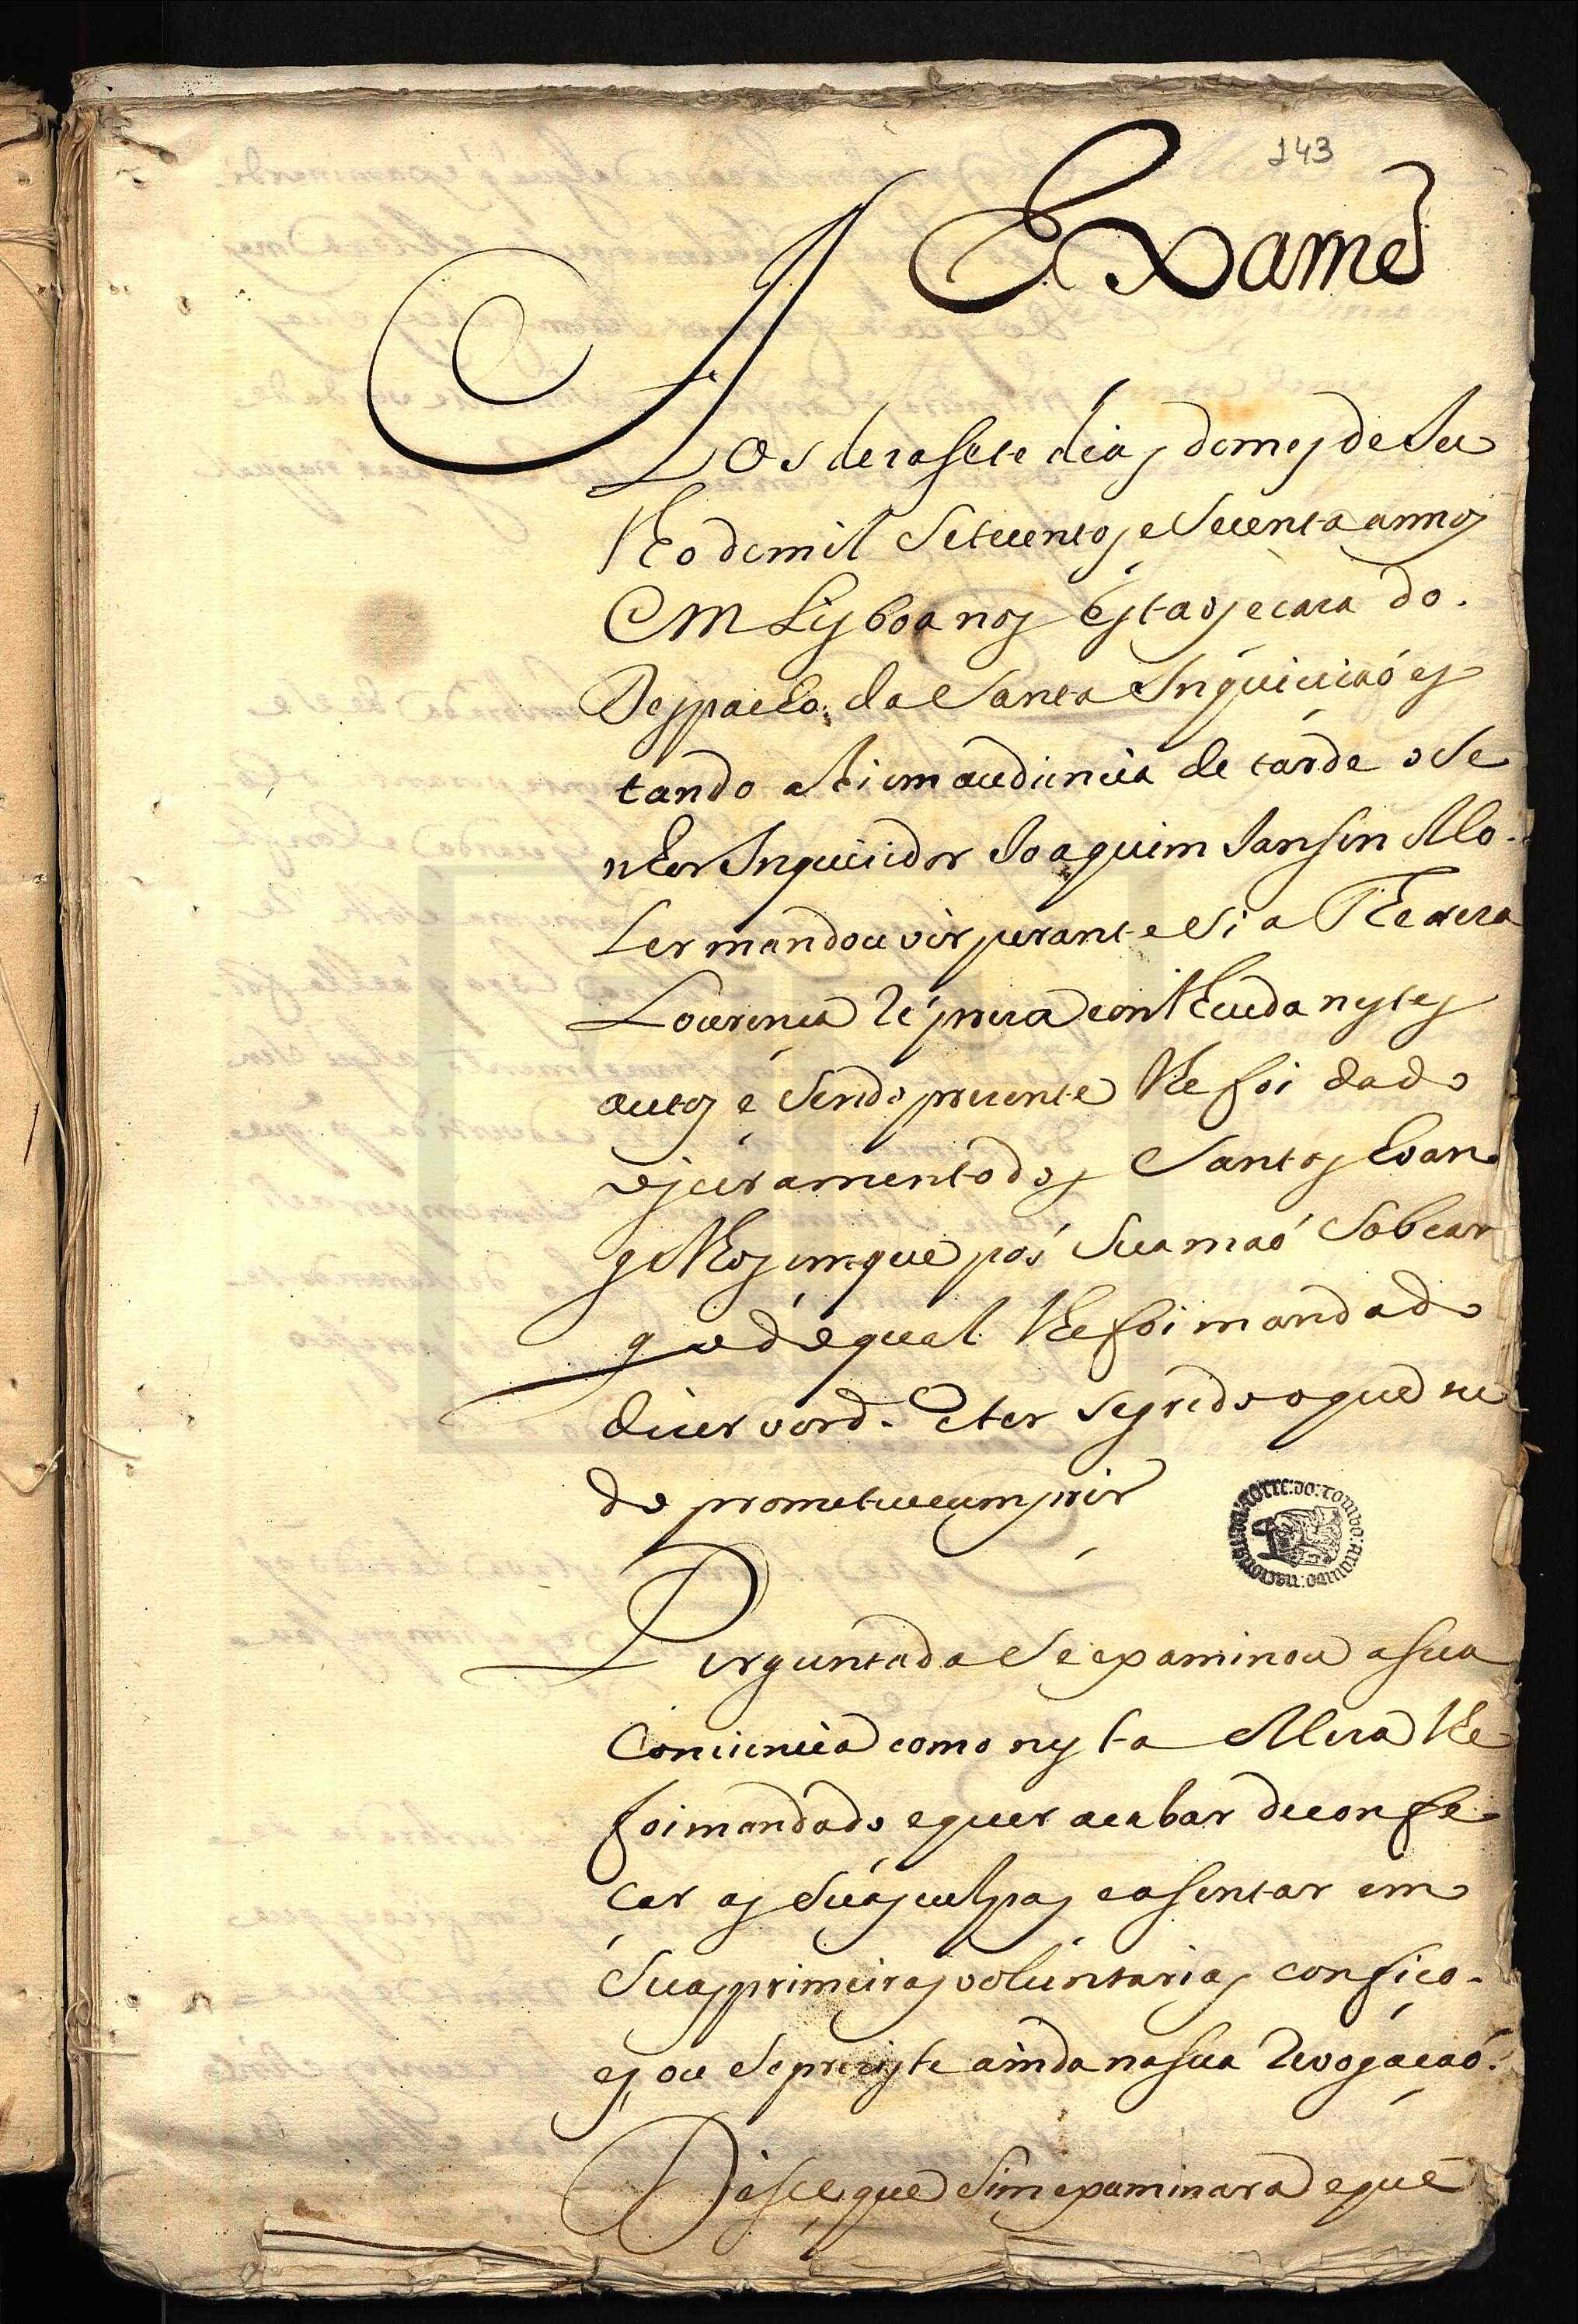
Exame
Aos dezasete dias do mes de Iu
lho de mil Setecentos e Secenta annos
em Lisboa nos Estaos e caza do
Despacho da Santa Inquiziçaõ es
tando ahi em audiencia de tarde o Se
nhor Inquizidor Ioaquim Iansen Mo
Ler mandou vir perante si a Thereza
Lourença Ré preza contheuda nestes
autos e Sendo prezente lhe foi dado
o juramento dos Santos Evan
gelhos em que pós Sua maõ Sob car
go do qual lhe foi mandado
dizer verd.e e ter segredo o que tu
do prometeu cumprir
Perguntada Se examinou a sua
conciencia como nesta Meza lhe
foi mandado, e quer acabar de confe
çar as Suas culpas, e asentar em
Suas primeiras voluntarias confiço
es, ou Se preziste ainda na sua Revogaçaõ?
Disce, que Sim examinara e que
